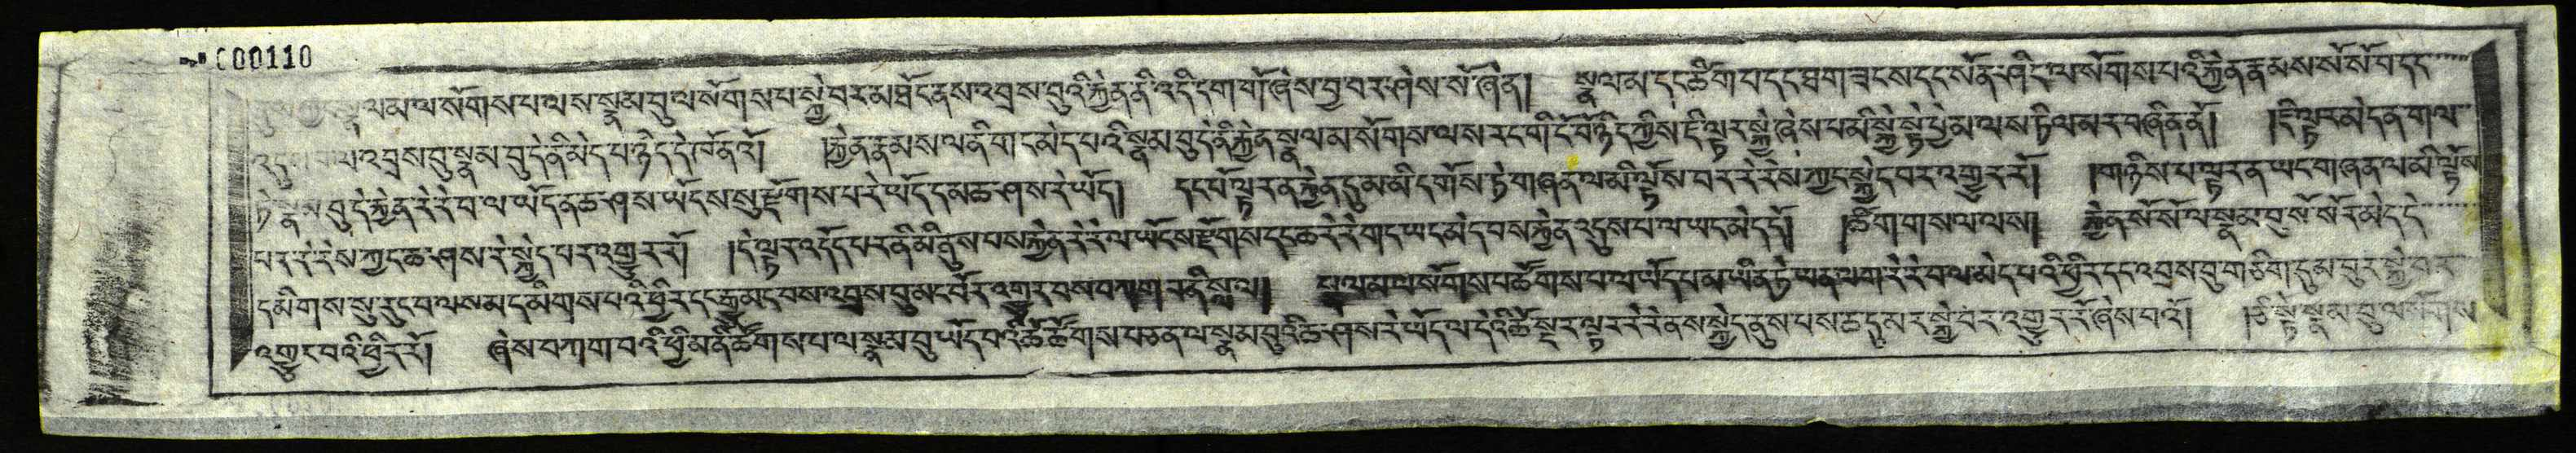ནུས་ཀྱང་སྣལ་མ་ལ་སོགས་པ་ལས་སྣམ་བུ་ལ་སོགས་པ་སྐྱེ་བར་མཐོང་ནས་འབྲས་བུའི་རྐྱེན་ནི་འདི་དག་གོ་ཞེས་བྱ་བར་ཤེས་སོ་ཞེ་ན། སྣལ་མ་དང་ཚིག་པ་དང་ཐག་ཟངས་དང་སོན་ཤིང་ལ་སོགས་པའི་རྐྱེན་རྣམས་སོ་སོ་བ་དང་
འདུས་པ་ལ་འབྲས་བུ་སྣམ་བུ་དེ་ནི་མེད་པ་ཉིད་དེ་ཁོ་ནའོ། །རྐྱེན་རྣམས་ལ་ནི་གང་མེད་པའི་སྣམ་བུ་དེ་ནི་རྐྱེན་སྣལ་མ་སོགས་ལས་རང་གི་ངོ་བོ་ཉིད་ཀྱིས་ཇི་ལྟར་སྐྱེ་ཞེས་པ་མི་སྐྱེ་སྟེ་བྱེ་མ་ལས་ཏིལ་མར་བཞིན་ནོ། །ཇི་ལྟར་མེད་ན་གལ་
ཏེ་སྣམ་བུ་དེ་རྐྱེན་རེ་རེ་བ་ལ་ཡོད་ན་ཆ་ཤས་ཡོངས་སུ་རྫོགས་པ་རེ་ཡོད་དམ་ཆ་ཤས་རེ་ཡོད། དང་པོ་ལྟར་ན་རྐྱེན་དུ་མ་མི་དགོས་ཏེ་གཞན་ལ་མི་ལྟོས་བར་རེ་རེས་ཀྱང་སྐྱེད་བར་འགྱུར་རོ། །གཉིས་པ་ལྟར་ན་ཡང་གཞན་ལ་མི་ལྟོས་
པར་རེ་རེས་ཀྱང་ཆ་ཤས་རེ་སྐྱེད་པར་འགྱུར་རོ། །དེ་ལྟར་འདོད་པར་ནི་མི་ནུས་པས་རྐྱེན་རེ་རེ་ལ་ཡོངས་རྫོགས་དང་ཆ་རེ་རེ་གང་ཡང་མེད་པས་རྐྱེན་འདུས་པ་ལ་ཡང་མེད་དོ། །ཚིག་གསལ་ལས། རྐྱེན་སོ་སོ་ལ་སྣམ་བུ་སོ་སོར་མེད་དེ་
དམིགས་སུ་རུང་བ་ལས་མ་དམིགས་པའི་ཕྱིར་དང་རྒྱུ་མང་བས་འབྲས་བུ་མང་པོར་འགྱུར་བས་བཀག་པ་ནི་སླ་ལ། བླ་ལ་མ་ལ་སོགས་པ་ཚོགས་པ་ལ་ཡོད་པ་མ་ཡིན་ཏེ་ཡན་ལག་རེ་རེ་བ་ལ་མེད་པའི་ཕྱིར་དང་འབྲས་བུ་གཅིག་དུམ་བུར་སྐྱེ་བར་
འགྱུར་བའི་ཕྱིར་རོ། ཞེས་བཀག་པའི་ཕྱི་མ་ནི་ཚོགས་པ་ལ་སྣམ་བུ་ཡོད་པའི་ཚོ་ཚོགས་པ་ཅན་ལ་སྣམ་བུའི་ཆ་ཤེས་རེ་ཡོད་ལ་དེའི་ཚེ་སྔར་ལྟར་རེ་རེ་ནས་སྐྱེད་ནུས་པས་ཆ་དུ་མར་སྐྱེ་བར་འགྱུར་རོ་ཞེས་པའོ། །ཅི་སྟེ་སྣམ་བུ་ལ་སོགས་